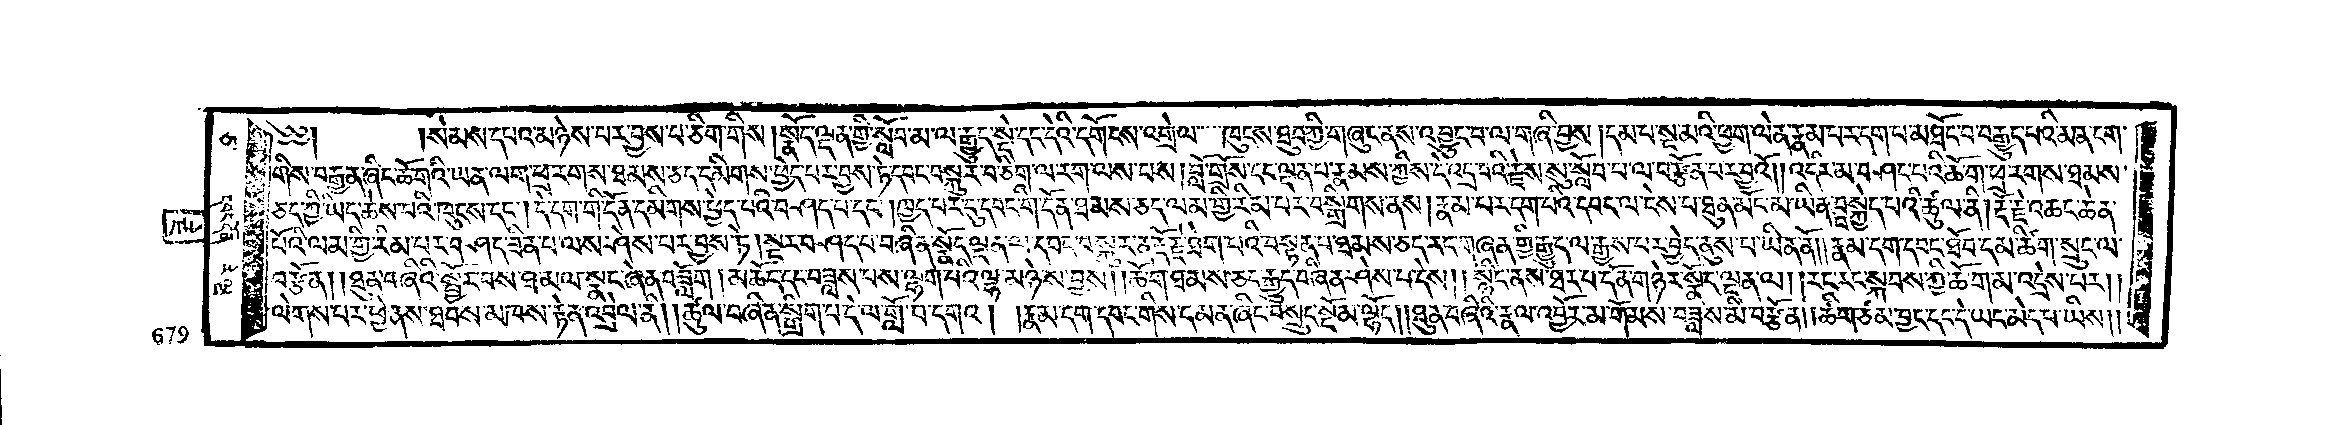༄༅། །སེམས་དཔའ་མཉེས་པར་བྱས་པ་ཅིག་གིས། སྣོད་ལྡན་གྱི་སློབ་མ་ལ་རྒྱུད་སྡེ་དང་དེའི་དགོངས་འགྲེལ་ཁུངས་ཐུབ་ཀྱི་གཞུང་ནས་འབྱུང་བ་ལ་གཞི་བྱས། དམ་པ་སྔ་མའི་ཕྱག་ལེན་རྣམ་པར་དག་པ་མཐོང་བ་བརྒྱུད་པའི་མན་ངག་
གིས་བརྒྱན་ཞིང་ཆོ་གའི་ཡན་ལག་ཕྲ་རགས་ཐམས་ཅད་དམིགས་ཕྱེད་པར་བྱས་ཏེ་དབང་བསྐུར་བ་ཅིག་ལ་རག་ལས་པས། བློ་གྲོས་དང་ལྡན་པ་རྣམས་ཀྱིས་དེ་འདྲ་བའི་རྗེས་སུ་སློབ་པ་ལ་བརྩོན་པར་བྱའོ། །འདིར་མ་བཤད་པའི་ཆོ་ག་ཕྲ་རགས་ཐམས་
ཅད་ཀྱི་ཡིད་ཆེས་པའི་ཁུངས་དང་། དེ་དག་གི་དོན་དམིགས་ཕྱེད་པའི་བཤད་པ་དང་། ཁྱད་པར་དུ་དབང་གི་དོན་ཐམས་ཅད་ལམ་གྱི་རིམ་པར་བསྒྲིགས་ནས། རྣམ་པར་དག་པའི་དབང་ལ་ངེས་པ་ཐུན་མོང་མ་ཡིན་པ་བསྐྱེད་པའི་ཚུལ་ནི། རྡོ་རྗེ་འཆང་ཆེན་
པོའི་ལམ་གྱི་རིམ་པར་བཤད་ཟིན་པ་ལས་ཤེས་པར་བྱས་ཏེ། སྔར་བཤད་པ་བཞིན་སྣོད་ལྡན་ལ་དབང་བསྐུར་ན་རྡོ་རྗེ་ཐེག་པའི་བསྟན་པ་ཐམས་ཅད་རང་གཞན་གྱི་རྒྱུད་ལ་རྒྱས་པར་བྱེད་ནུས་པ་ཡིན་ནོ། །རྣམ་དག་དབང་ཐོབ་དམ་ཚིག་སྲུང་ལ་
བརྩོན། །ཐུན་བཞིའི་སྦྱོར་བས་ཐ་མལ་སྣང་ཞེན་བཟློག །མཆོད་དང་བཟླས་པས་ལྷག་པའི་ལྷ་མཉེས་བྱས། །ཆོ་ག་ཐམས་ཅད་རྒྱུད་བཞིན་ཤེས་པ་དེས། །སྙིང་ནས་ཐར་པ་དོན་གཉེར་སྣོད་ལྡན་ལ། །རང་རང་སྐབས་ཀྱི་ཆོ་ག་མ་འདྲེས་པར། །
ལེགས་པར་ཕྱེ་ནས་ཐབས་མཁས་རྟེན་འབྲེལ་ནི། །ཚུལ་བཞིན་སྒྲིག་པ་དེ་ལ་གློ་བ་དགའ། །རྣམ་དག་དབང་གིས་དམན་ཞིང་བསྲུང་སྡོམ་ལྷོད། །ཐུན་བཞིའི་རྣལ་འབྱོར་མ་གོམས་བཟླས་མི་བརྩོན། །ཚིག་ཙམ་བྱང་དང་དེ་ཡང་མེད་པ་ཡིས། །